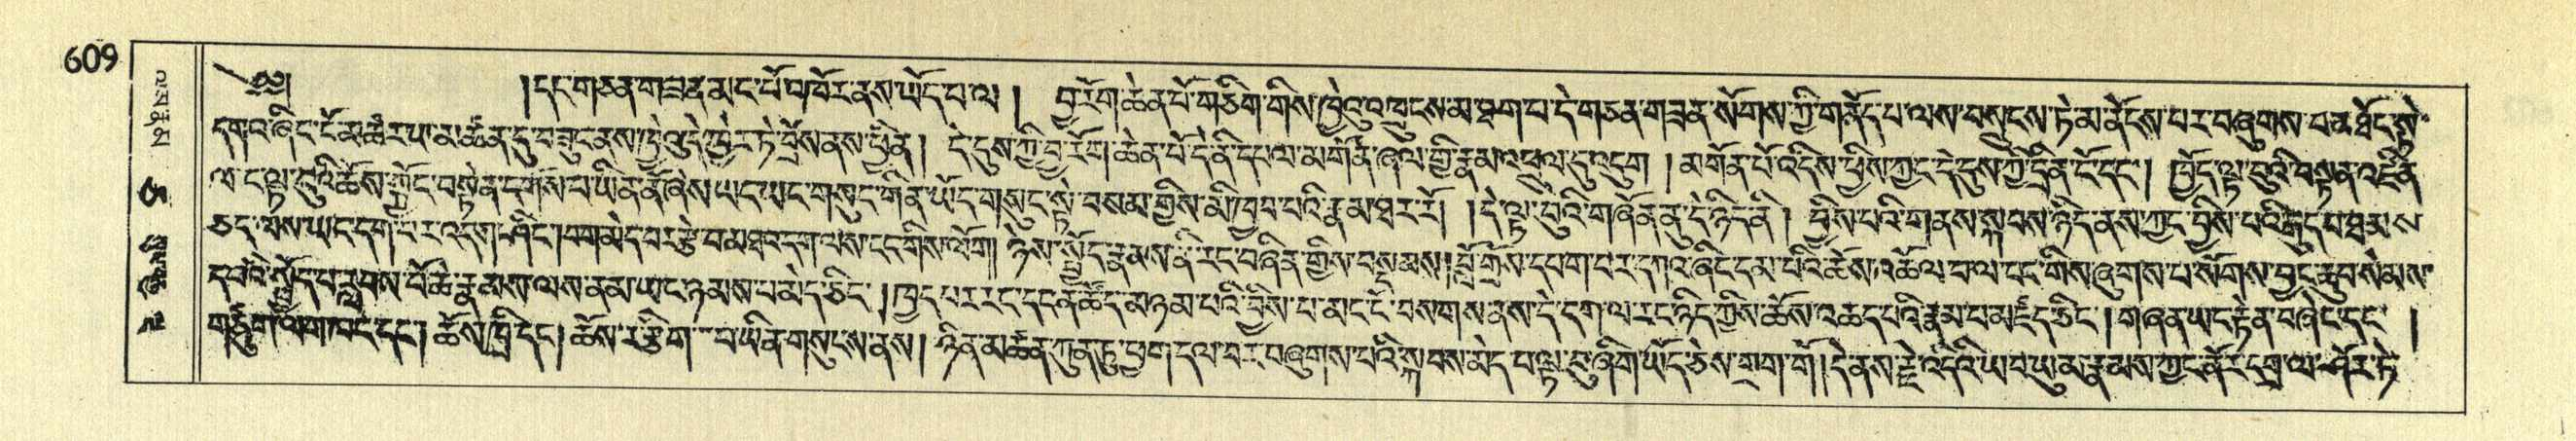༄༅། །དང་གཅན་གཟན་མང་པོ་འཁོར་ནས་ཡོད་པ་ལ། བྱ་རོག་ཆེན་པོ་གཅིག་གིས་ཁྱེའུ་འཁྲུངས་མ་ཐག་པ་དེ་གཅན་གཟན་སོགས་ཀྱི་གནོད་པ་ལས་བསྲུངས་ཏེ་མ་ནོངས་པར་བཞུགས་བན་ཐོང་སྟེ་
དགའ་ཞིང་ངོ་མཚར་ཡ་མཚན་དུ་བཟུང་ནས་ཁྱེའུ་དེ་ཁྱེར་ཏེ་བྲོས་ནས་ཕྱིན། དེ་དུས་ཀྱི་བྱ་རོག་ཆེན་པོ་དེ་ནི་དཔལ་མགོན་ཞལ་གྱི་རྣམ་འཕྲུལ་དུ་འདུག །མགོན་པོ་འདིས་ཕྱིས་ཀྱང་དེ་དུས་ཀྱི་དྲིན་ངོ་དང་། ཁྱོད་ལྟ་བུའི་བསྟན་འཛིན་
ལ་ང་ལྟ་བུའི་ཆོས་སྐྱོང་བསྟེན་དགོས་པ་ཡིན་ནོ་ཞེས་ཡང་ཡང་གསུང་གིན་ཡོད་གསུང་སྟེ་བསམ་གྱིས་མི་ཁྱབ་པའི་རྣམ་ཐར་རོ། །དེ་ལྟ་བུའི་གཞོན་ནུ་དེ་ཉིད་ནི། བྱིས་པའི་གནས་སྐབས་ཉིད་ནས་ཀྱང་བྱིས་པའི་རྒུད་པ་ཐམས་
ཅད་ལས་ཡང་དག་པར་འདག་ཤིང་། བག་མེད་བར་རྩེ་བ་མཐའ་དག་ལས་ངང་གིས་ལོག། ཉེས་སྤྱོད་རྣམས་ནི་རང་བཞིན་གྱིས་བསྡམས། བློ་གྲོས་དཔག་པར་དཀའ་ཞིང་དམ་པའི་ཆོས་འཆོལ་བ་ལ་ངང་གིས་ཞུགས་པ་སོགས་བྱང་ཆུབ་སེམས་
དཔའི་སྤྱོད་པ་རླབས་པོ་ཆེ་རྣམས་ལས་ནམ་ཡང་ཉམས་པ་མེད་ཅིང་།ཁྱད་པར་རང་དང་ན་ཚོད་མཉམ་པའི་བྱིས་པ་མང་ངོ་བསགས་ནས་དེ་དག་ལ་རང་ཉིད་ཀྱིས་ཆོས་འཆད་པའི་རྣམ་པ་མཛད་ཅིང་། གཞན་ཡང་རྟེན་བཞེང་དང་།
གཙུག་ལག་ཁང་དང་། ཆོས་ཁྲི་དང་། ཆོས་ར་རྩིག་བ་ཡིན་གསུངས་ནས། ཉིན་མཚན་ཀུན་ཏུ་ཕྱག་དལ་བར་བཞུགས་པའི་སྐབས་མེད་བལྟ་བུ་ཞིག་ཡོད་ཅེས་གྲག་གོ། དེ་ནས་རྗེ་འདིའི་ཡབ་ཡུམ་རྣམས་ཀྱང་ནོར་དགྲ་ལ་ཤོར་ཏེ་